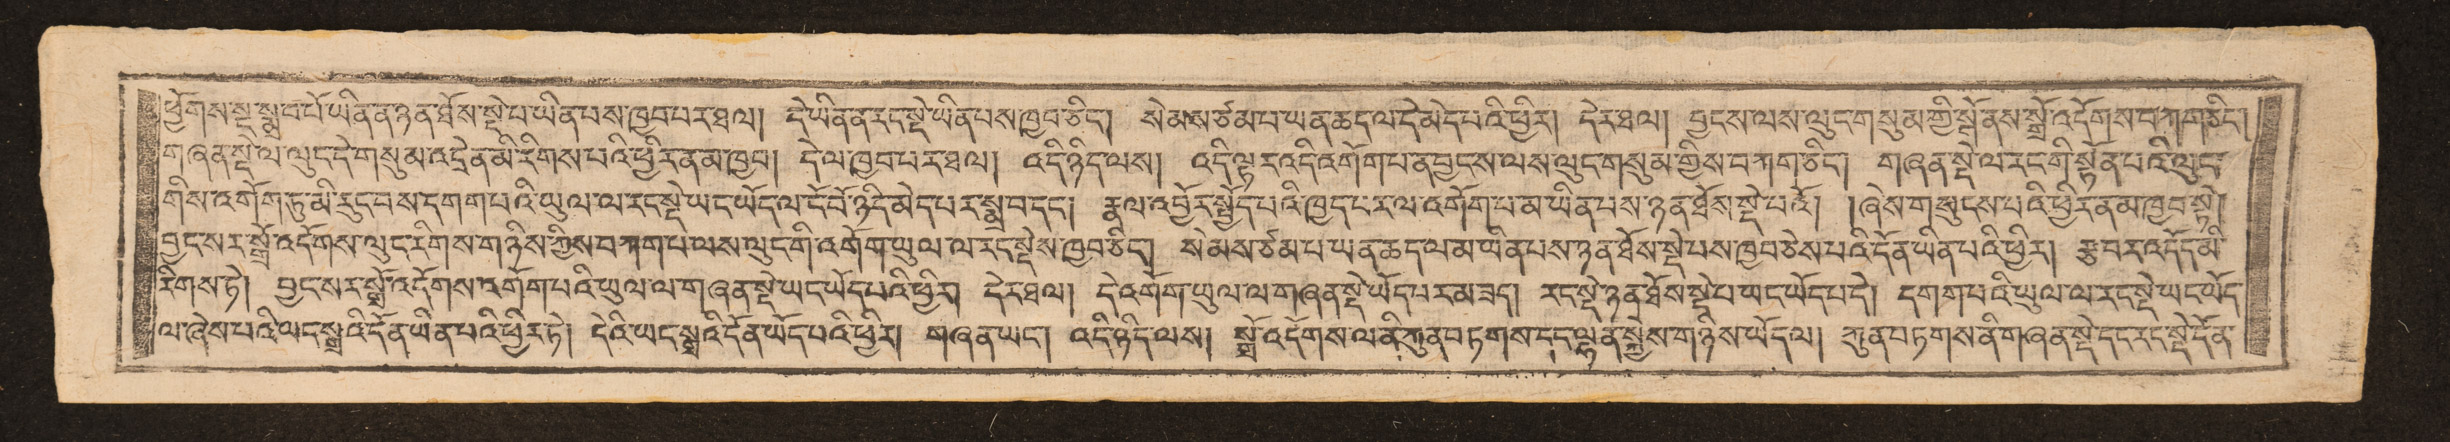ཕྱོགས་སྔ་སྨྲ་བ་པོ་ཡིན་ན་ཉན་ཐོས་སྡེ་པ་ཡིན་པས་ཁྱབ་པར་ཐལ། དེ་ཡིན་ན་རང་སྡེ་ཡིན་པས་ཁྱབ་ཅིང་། སེམས་ཙམ་པ་ཡན་ཆད་ལ་དེ་མེད་པའི་ཕྱིར། དེར་ཐལ། བྱང་ས་ལས་ལུང་གསུམ་གྱི་སྒོ་ནས་སྒྲོ་འདོགས་བཀག་ཅིང་།
གཞན་སྡེ་ལ་ལུང་དེ་གསུམ་འདྲེན་མི་རིགས་པའི་ཕྱིར་ན་མ་ཁྱབ། དེ་ལ་ཁྱབ་པར་ཐལ། འདི་ཉིད་ལས། འདི་ལྟར་འདི་འགོག་པ་ན་བྱང་ས་ལས་ལུང་གསུམ་གྱིས་བཀག་ཅིང་། གཞན་སྡེ་ལ་རང་གི་སྟོན་པའི་ལུང་
གིས་འགོག་ཏུ་མི་རུང་བས་དགག་པའི་ཡུལ་ལ་རང་སྡེ་ཡང་ཡོད་ལ་ངོ་བོ་ཉིད་མེད་པར་སྨྲ་བ་དང་། རྣལ་འབྱོར་སྤྱོད་པའི་ཁྱད་པར་ལ་འགོག་པ་མ་ཡིན་པས་ཉན་ཐོས་སྡེ་པའོ། །ཞེས་གསུངས་པའི་ཕྱིར་ན་མ་ཁྱབ་སྟེ།
བྱང་སར་སྒྲོ་འདོགས་ལུང་རིགས་གཉིས་ཀྱིས་བཀག་པ་ལས་ལུང་གི་འགོག་ཡུལ་ལ་རང་སྡེས་ཁྱབ་ཅིང་། སེམས་ཙམ་པ་ཡན་ཆད་ལ་མ་ཡིན་པས་ཉན་ཐོས་སྡེ་བས་ཁྱབ་ཅེས་པའི་དོན་ཡིན་པའི་ཕྱིར། རྩ་བར་འདོད་མི་
རིགས་ཏེ། བྱང་སར་སྒྲོ་འདོགས་འགོག་པའི་ཡུལ་ལ་གཞན་སྡེ་ཡང་ཡོད་པའི་ཕྱིར། དེར་ཐལ། དེ་འགོག་ཡུལ་ལ་གཞན་སྡེ་ཡོད་པར་མ་ཟད། རང་སྡེ་ཉན་ཐོས་སྡེ་བ་ཡང་ཡོད་པ་དེ། དགག་པའི་ཡུལ་ལ་རང་སྡེ་ཡང་ཡོད་
ལ་ཞེས་པའི་ཡང་སྒྲའི་དོན་ཡིན་པའི་ཕྱིར་ཏེ། དེའི་ཡང་སྒྲའི་དོན་ཡོད་པའི་ཕྱིར། གཞན་ཡང་། འདི་ཉིད་ལས། སྒྲོ་འདོགས་ལ་ནི་ཀུན་བཏགས་དང་ལྷན་སྐྱེས་གཉིས་ཡོད་ལ། ཀུན་བཏགས་ནི་གཞན་སྡེ་དང་རང་སྡེ་དོན་